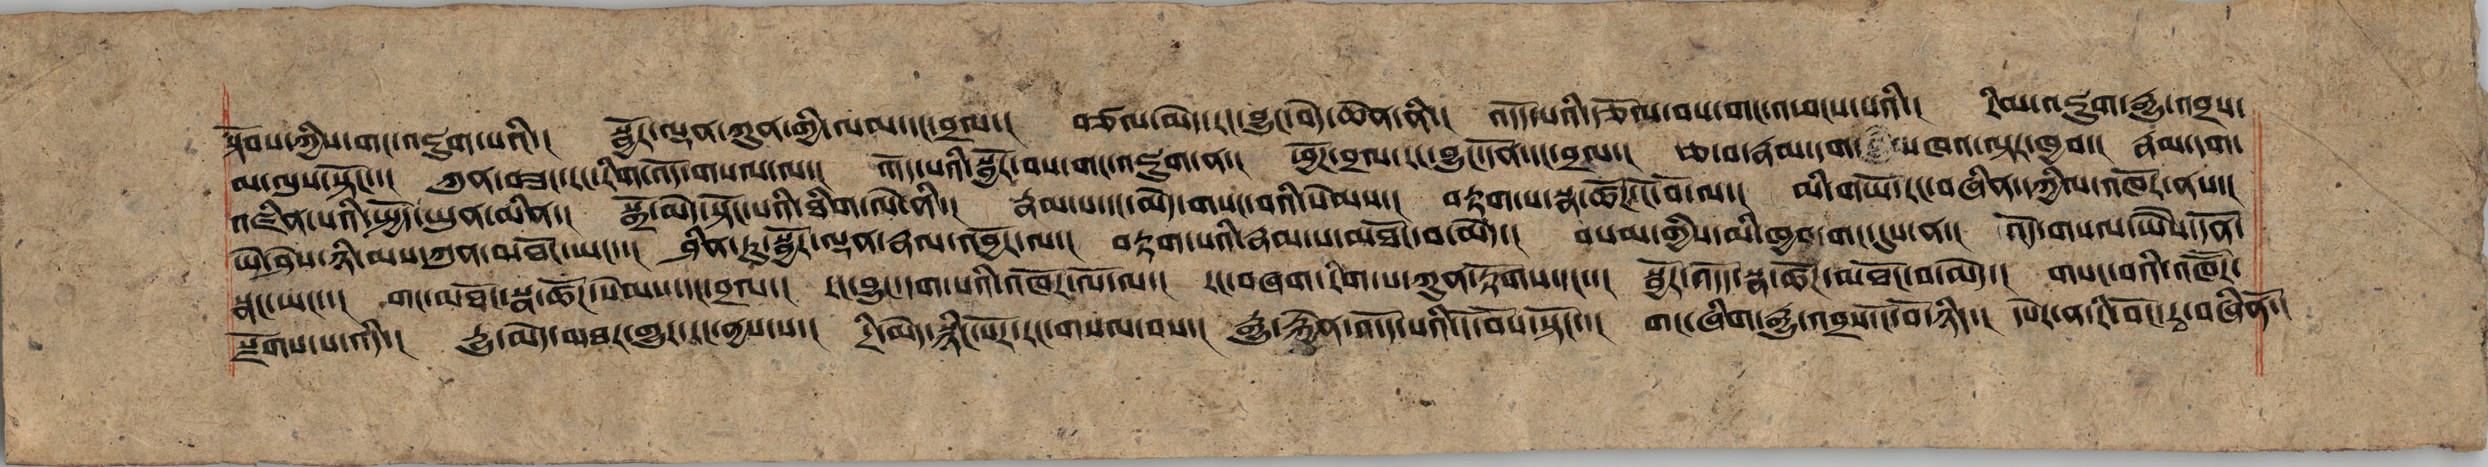སྟོབས་ཀྱིས་གང་འཇུག་པའི་། སྦྱོར་ལྡན་ཀུན་གྱི་ལམ་དང་བྲལ་། བཙལ་མེད་རང་བྱུང་བདེ་ཆེན་ནི་། འདོད་པའི་རྩོལ་བས་གང་འཕངས་པའི་། རིམ་འཇུག་རྒྱུ་འབྲས་
མ་ལུས་སྟོང་། ཀུན་བཟང་རང་རིག་འོད་གསལ་ལ་། འདོད་པའི་སྦྱོར་བས་གང་འཇུག་ན་། ཕྱོཌ་བྲལ་རང་བྱུང་དོན་དང་བྲལ་། རྩ་བ་རྣམ་དག་མཁའ་ལྟར་ཁྱབ་། རྣམ་དག་
འཛིན་པའི་སྤྱོད་ཡུན་མིན་། སྒྲ་མེད་སྟོང་པའི་ཐིག་ལེ་ནི་། རྣམ་པ་དང་མེད་གསང་བའི་སེམས་། བརྟག་པ་སྣ་ཚོཌ་ངོ་བོ་ལ་། མི་གཡོ་རང་བཞིན་དཀྱིལ་འཁོར་ནས་།
ཡེ་ཤེས་ཉི་མས་ཀུན་མཐོང་ཡང་་། ཤིན་ཏུ་སྦྱོར་ལྡན་རྣལ་འབྱོར་ལ་། བརྟག་པའི་རྣམ་པ་མཐོང་བ་མེད་། བསམ་གྱིས་མི་ཁྱབ་གང་དུས་ན་། འོད་གསལ་ཡཻས་དོན་
སྣང་ཡང་་། གང་མཐོང་སྣ་ཚོཌ་སེམས་དང་བྲལ་། རང་བྱུང་དག་པའི་འཁོར་ལོ་ལ་། རང་བཞག་རིག་པ་ཀུན་རྟོགས་དང་་། སྦྱོར་འདོད་སྣ་ཚོགཌ་མཐོང་བ་མེད་། གསང་བའི་འཁཽར་
སྫོགས་པ་འདི་། དྱུ་མེད་མཐར་གྱུར་ངང་བྱས་པ་། དྲི་མེད་སྙིང་པོར་རང་གསལ་བས་། རྒྱུ་རྐྱེན་འདོད་པའི་ངོ་བོས་སྟོང་། གང་ཞིག་རྒྱུ་འབྲས་ངོ་བོ་ཉིད་། དཔེར་ན་རི་བོང་རྭ་བཞིན